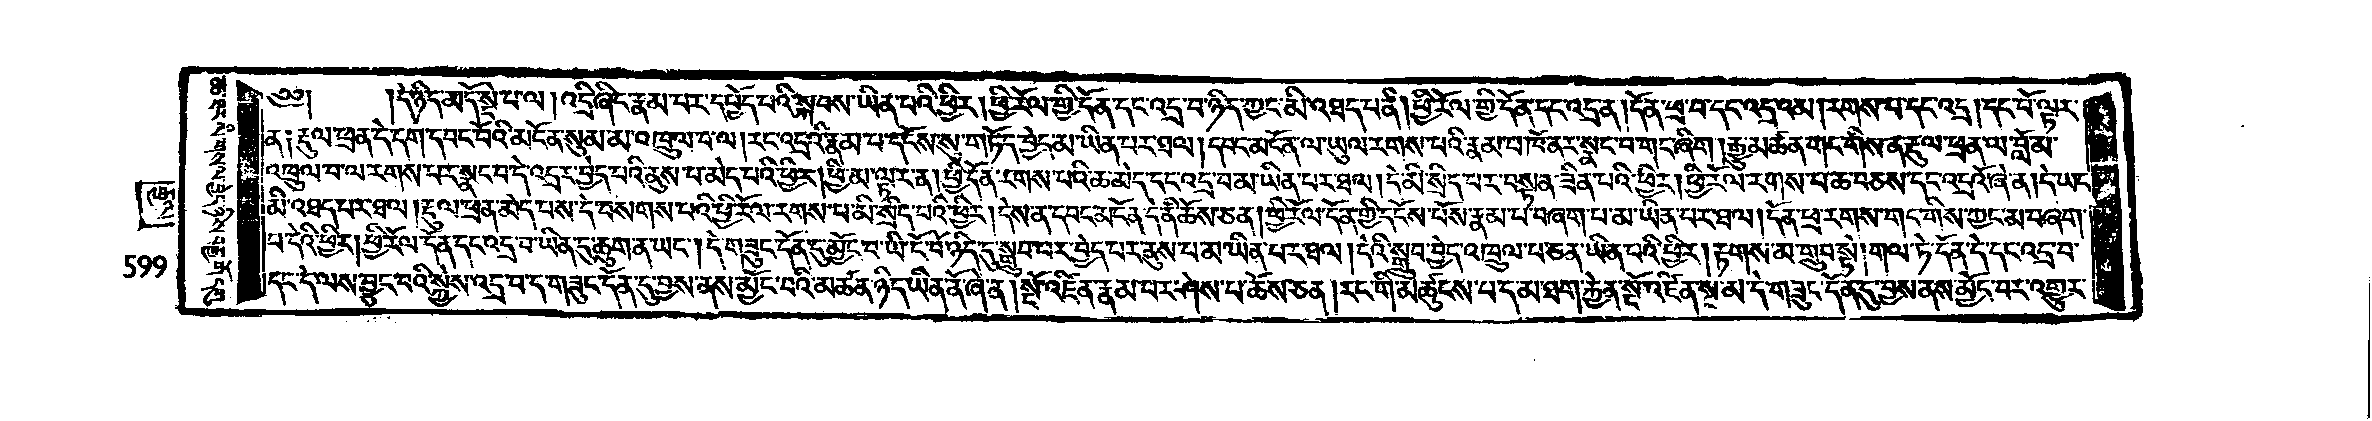༄༅། །དེ་ཉིད་མདོ་སྡེ་པ་ལ། འདྲི་ཞིང་རྣམ་པར་དཔྱོད་པའི་སྐབས་ཡིན་པའི་ཕྱིར། ཕྱི་རོལ་གྱི་དོན་དང་འདྲ་བ་ཉིད་ཀྱང་མི་འཐད་པ་ནི། ཕྱི་རོལ་གྱི་དོན་དང་འདྲ་ན། དོན་ཕྲ་བ་དང་འདྲ་འམ། རགས་པ་དང་འདྲ། དང་པོ་ལྟར་
ན། རྡུལ་ཕྲན་དེ་དག་དབང་པོའི་མངོན་སུམ་མ་འཁྲུལ་བ་ལ། རང་འདྲའི་རྣམ་པ་དངོས་སུ་གཏོད་བྱེད་མ་ཡིན་པར་ཐལ། དབང་མངོན་ལ་ཡུལ་རིགས་པའི་རྣམ་པ་ཁོ་ནར་སྣང་བ་གང་ཞིག །རྒྱུ་མཚན་གང་གིས་ན་རྡུལ་ཕྲན་ལ་བློ་མ་
འཁྲུལ་བ་ལ་རགས་པར་སྣང་བ་དེ་འདྲར་བྱེད་པའི་ནུས་པ་མེད་པའི་ཕྱིར། ཕྱི་མ་ལྟར་ན། ཕྱི་དོན་རགས་པའི་ཆ་མེད་དང་འདྲ་བ་མ་ཡིན་པར་ཐལ། དེ་མི་སྲིད་པར་བསྟན་ཟིན་པའི་ཕྱིར། ཕྱི་རོལ་རགས་པ་ཆ་བཅས་དང་འདྲའོ་ཞེ་ན། དེ་ཡང་
མི་འཐད་པར་ཐལ། རྡུལ་ཕྲན་མེད་པས་དེ་བསགས་པའི་ཕྱི་རོལ་རགས་པ་མི་སྲིད་པའི་ཕྱིར། དེས་ན་དབང་མངོན་དེ་ནི་ཆོས་ཅན། ཕྱི་རོལ་དོན་གྱི་དངོས་པོས་རྣམ་པ་བཞག་པ་མ་ཡིན་པར་ཐལ། དོན་ཕྲ་རགས་གང་གིས་ཀྱང་མ་བཞག་
པ་དེའི་ཕྱིར། ཕྱི་རོལ་དོན་དང་འདྲ་བ་ཡིན་དུ་ཆུག་ན་ཡང་། དེ་གཟུང་དོན་དུ་མྱོང་བ་ཡི་ངོ་བོ་ཉིད་དུ་སྒྲུབ་པར་བྱེད་པར་ནུས་པ་མ་ཡིན་པར་ཐལ། དེའི་སྒྲུབ་བྱེད་འཁྲུལ་པ་ཅན་ཡིན་པའི་ཕྱིར། རྟགས་མ་གྲུབ་སྟེ། གལ་ཏེ་དོན་དེ་དང་འདྲ་བ་
དང་དེ་ལས་བྱུང་བའི་སྐྱེས་འདྲ་བ་ད་གཟུང་དོན་དུ་བྱས་ནས་མྱོང་བའི་མཚན་ཉིད་ཡིན་ནོ་ཞེ་ན། སྔོ་འཛིན་རྣམ་པར་ཤེས་པ་ཆོས་ཅན། རང་གི་མཚུངས་པ་དེ་མ་ཐག་རྐྱེན་སྔོ་འཛིན་སྔ་མ་དེ་གཟུང་དོན་དུ་བྱས་ནས་མྱོང་བར་འགྱུར་